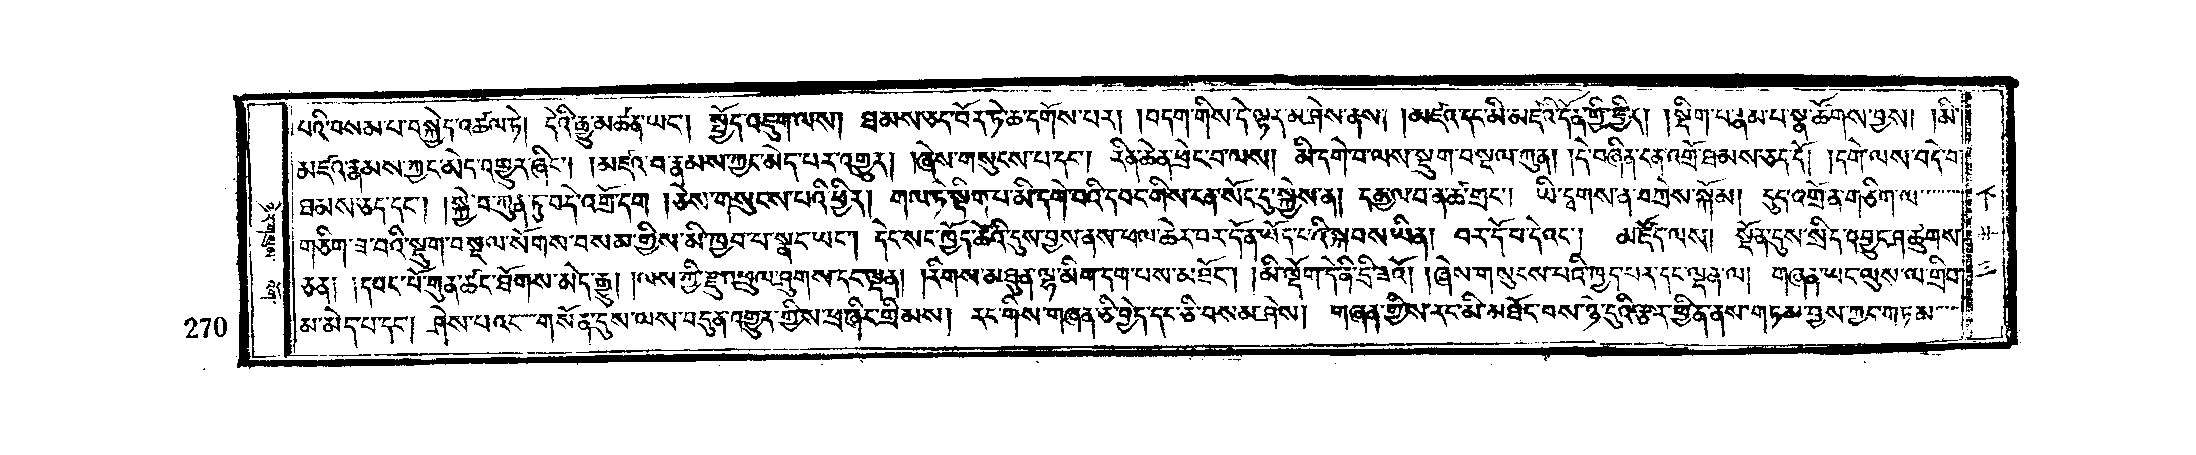པའི་བསམ་པ་བསྐྱེད་འཚལ་ཏེ། དེའི་རྒྱུ་མཚན་ཡང་། སྤྱོད་འཇུག་ལས། ཐམས་ཅད་བོར་ཏེ་ཆ་དགོས་པར། །བདག་གིས་དེ་ལྟར་མ་ཤེས་ནས། །མཛའ་དང་མི་མཛའི་དོན་གྱི་ཕྱིར། །སྡིག་པ་རྣམ་པ་སྣ་ཚོགས་བྱས། །མི་
མཛའ་རྣམས་ཀྱང་མེད་འགྱུར་ཞིང་། །མཛའ་བ་རྣམས་ཀྱང་མེད་པར་འགྱུར། །ཞེས་གསུངས་པ་དང་། རིན་ཆེན་ཕྲེང་བ་ལས། མི་དགེ་བ་ལས་སྡུག་བསྔལ་ཀུན། །དེ་བཞིན་ངན་འགྲོ་ཐམས་ཅད་དོ། །དགེ་ལས་བདེ་བ་
ཐམས་ཅད་དང་། །སྐྱེ་བ་ཀུན་ཏུ་བདེ་འགྲོ་དག །ཅེས་གསུངས་པའི་ཕྱིར། གལ་ཏེ་སྡིག་པ་མི་དགེ་བའི་དབང་གིས་ངན་སོང་དུ་སྐྱེས་ན། དམྱལ་བ་ན་ཚ་གྲང་། ཡི་དྭགས་ན་བཀྲེས་སྐོམ། དུད་འགྲོ་ན་གཅིག་ལ་
གཅིག་ཟ་བའི་སྡུག་བསྔལ་སོགས་བསམ་གྱིས་མི་ཁྱབ་པ་སྣང་ཡང་། དེང་སང་ཁྱོད་ཚེའི་དུས་བྱས་ནས་ཕལ་ཆེར་བར་དོན་ཡོད་པའི་སྐབས་ཡིན། བར་དོ་པ་དེའང་། མཛོད་ལས། སྔོན་དུས་སྲིད་འབྱུང་ཤ་ཚུགས་
ཅན། །དབང་པོ་གུན་ཚང་ཐོགས་མེད་རྒྱུ། །ལས་ཀྱི་རྫུ་འཕྲུལ་ཤུགས་དང་ལྡན། །རིགས་མཐུན་ལྷ་མིག་དག་པས་མཐོང་། །མི་ལྡོག་དེ་ནི་དྲི་ཟའོ། །ཞེས་གསུངས་པའི་ཁྱད་པར་དང་ལྡན་ལ། གཞན་ཡང་ལུས་ལ་གྲིབ་
མ་མེད་པ་དང་། ཤེས་པའང་གསོན་དུས་ལས་བདུན་འགྱུར་གྱིས་ཕྲ་ཞིང་གྲིམས། རང་གིས་གཞན་ཅི་བྱེད་དང་ཅི་བསམ་ཤེས། གཞན་གྱིས་རང་མི་མཐོང་བས་ཉེ་དུའི་རྩར་ཕྱིན་ནས་གཏམ་བྱས་ཀྱང་གཏམ་